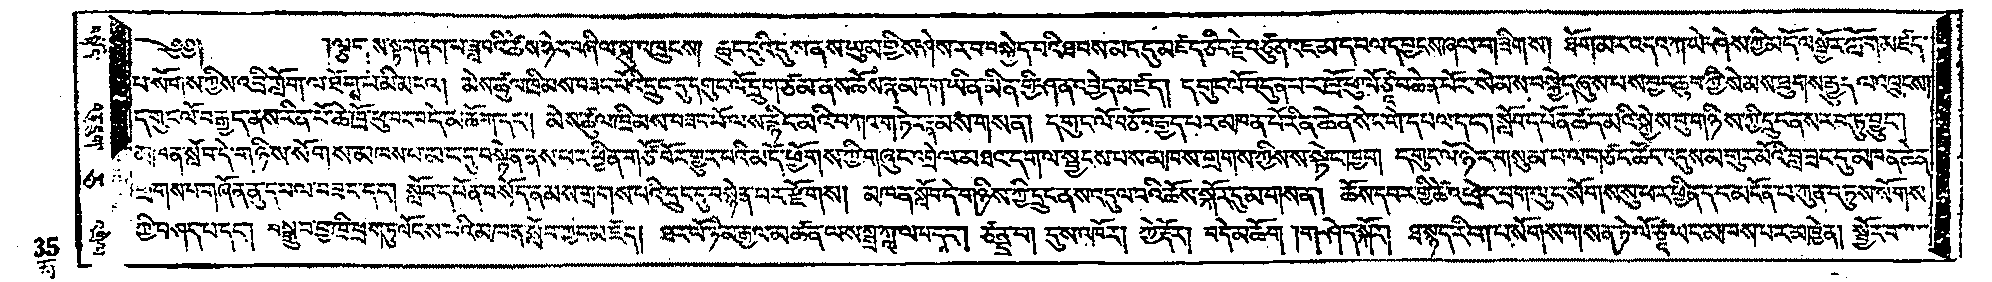༄༅། །ལྕགས་སྟག་ནག་པ་ཟླ་བའི་ཚེས་ཉེར་བཞི་ལ་སྐུ་འཁྲུངས། ཆུང་ངུའི་དུས་ནས་ཡུམ་གྱིས་ཤེས་རབ་བསྐྱེད་པའི་ཐབས་མང་དུ་མཛད་ཅིང་རྗེ་བཙུན་འཇམ་དཔལ་དབྱངས་ཞལ་གཟིགས། ཐོག་མར་འདའ་ཀ་ཡེ་ཤེས་ཀྱི་མདོ་ལ་སྦྱོར་ཀློག་མཛད་
པ་སོགས་ཀྱིས་འབྲི་ཀློག་ལ་ཐོགས་པ་མི་མངའ། མེས་ཚུལ་ཁྲིམས་བཟང་པོའི་དྲུང་དུ་དགུང་ལོ་དྲུག་ཙམ་ནས་ཆོས་རྣམ་དག་ཡིན་མིན་གྱི་ཤན་འབྱེད་མཛད། དགུང་ལོ་བདུན་པར་ཁྲོ་ཕུ་ལོ་ཙཱ་བ་ཆེན་པོར་སེམས་བསྐྱེད་ཞུས་པས་བྱང་ཆུབ་ཀྱི་སེམས་ཐུགས་རྒྱུད་ལ་འཁྲུངས།
དགུང་ལོ་བརྒྱད་ནས་རིན་པོ་ཆེ་ཁྲོ་ཕུ་བར་བདེ་མཆོག་དང་། མེས་ཚུལ་ཁྲིམས་བཟང་པོ་ལས་རྙིང་མའི་བཀའ་གཏེར་རྣམས་གསན། དགུང་ལོ་བཅོ་བརྒྱད་པར་མཁན་པོ་རིན་ཆེན་སེང་གེ་དཔལ་དང་། སློབ་དཔོན་ཚད་མའི་སྐྱེས་བུ་གཉིས་ཀྱི་དྲུང་ནས་རབ་ཏུ་བྱུང་།
མཁན་སློབ་དེ་གཉིས་སོགས་མཁས་པ་མང་དུ་བསྟེན་ནས་ཕར་ཕྱིན་གཙོ་བོར་གྱུར་པའི་མདོ་ཕྱོགས་ཀྱི་གཞུང་འགྲེལ་མཐའ་དག་ལ་སྦྱངས་པས་མཁས་གྲགས་ཀྱིས་ས་སྟེང་ཁྱབ། དགུང་ལོ་ཉེར་གསུམ་པ་ལ་གཙང་ཚོང་འདུས་མགུར་མོའི་བླ་བྲང་དུ་མཁན་ཆེན་
གྲགས་པ་གཞོན་ནུ་དཔལ་བཟང་དང་། སློབ་དཔོན་བསོད་ནམས་གྲགས་པའི་དྲུང་དུ་བསྙེན་པར་རྫོགས། མཁན་སློབ་དེ་གཉིས་ཀྱི་དྲུང་ནས་འདུལ་བའི་ཆོས་སྐོར་དུ་མ་གསན། ཆོས་དབར་གྱི་ཚེ་འཕྲེང་བྲག་ལུང་སོགས་སུ་ཕར་ཕྱིན་དང་མངོན་པ་ཀུན་བཏུས་སོགས་
ཀྱི་བཤད་པ་དང་། བསྒྲུབ་བྱ་ཁྲི་ཕྲག་ཏུ་ལོངས་པའི་མཁན་སློབ་ཀྱང་མཛད། ཐར་ལོ་ཉི་མ་རྒྱལ་མཚན་ལས་སྒྲ་ཀཱ་ལ་པ་དང་། ཙནྡྲ་པ། དུས་འཁོར། ཀྱེ་རྡོར། བདེ་མཆོག །གཤེད་སྐོར། ཐ་སྙད་རིག་པ་སོགས་གསན་ཏེ་ལོ་ཙཱ་ཡང་མཁས་པར་མཁྱེན། སྦྱོར་བ་